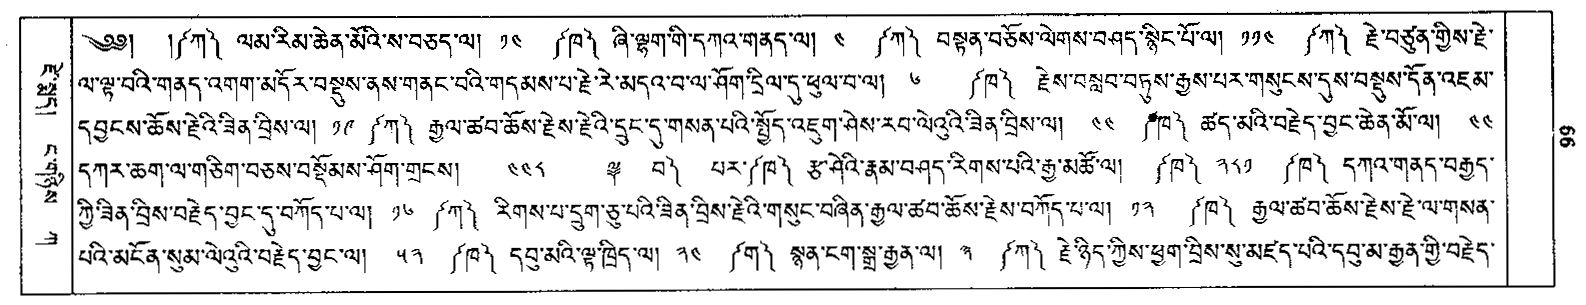༄༅། །༼ཀ྄་ལམ་རིམ་ཆེན་མོའི་ས་བཅད་ལ། ༡༤་༽ཁ྄་ཞི་ལྷག་གི་དཀའ་གནད་ལ། ༤ ༼ཀ྄་བསྟན་བཅོས་ལེགས་བཤད་སྙིང་པོ་ལ། ༡༡༤་༽ཀ྄་རྗེ་བཙུན་གྱིས་རྗེ་
ལ་ལྟ་བའི་གནད་འགག་མདོར་བསྡུས་ནས་གནང་བའི་གདམས་པ་རྗེ་རེ་མདའ་བ་ལ་ཤོག་དྲིལ་དུ་ཕུལ་བ་ལ། ༦་ཁ྄་རྗེས་བསླབ་བཏུས་རྒྱས་པར་གསུངས་དུས་བསྡུས་དོན་འཇམ་
དབྱངས་ཆོས་རྗེའི་ཟིན་བྲིས་ལ། ༡༩ ༼ཀ྄་རྒྱལ་ཚབ་ཆོས་རྗེས་རྗེའི་དྲུང་དུ་གསན་པའི་སྤྱོད་འཇུག་ཤེས་རབ་ལེའུའི་ཟིན་བྲིས་ལ། ༤༤་༽ཁ྄་ཚད་མའི་བརྗེད་བྱང་ཆེན་མོ་ལ། ༤༤
དཀར་ཆག་ལ་གཅིག་བཅས་བསྡོམས་ཤོག་གྲངས། ༤༤༨་༈ བ྄་པར ༼ཁ྄་རྩ་ཤེའི་རྣམ་བཤད་རིགས་པའི་རྒྱ་མཚོ་ལ། ༽ཁ྄ ༢༨༡་ཁ྄་དཀའ་གནད་བརྒྱད་
ཀྱི་ཟིན་བྲིས་བརྗེད་བྱང་དུ་བཀོད་པ་ལ། ༡༦ ༼ཀ྄་རིགས་པ་དྲུག་ཅུ་པའི་ཟིན་བྲིས་རྗེའི་གསུང་བཞིན་རྒྱལ་ཚབ་ཆོས་རྗེས་བཀོད་པ་ལ། ༡༢་༽ཁ྄་རྒྱལ་ཚབ་ཆོས་རྗེས་རྗེ་ལ་གསན་
པའི་མངོན་སུམ་ལེའུའི་བརྗེད་བྱང་ལ། ༥༢ ༼ཁ྄་དབུ་མའི་ལྟ་ཁྲིད་ལ། ༢༤་༽ག྄་སྙན་ངག་སྒྲ་རྒྱན་ལ། ༣་ཀ྄་རྗེ་ཉིད་ཀྱིས་ཕྱག་བྲིས་སུ་མཛད་པའི་དབུ་མ་རྒྱན་གྱི་བརྗེད་